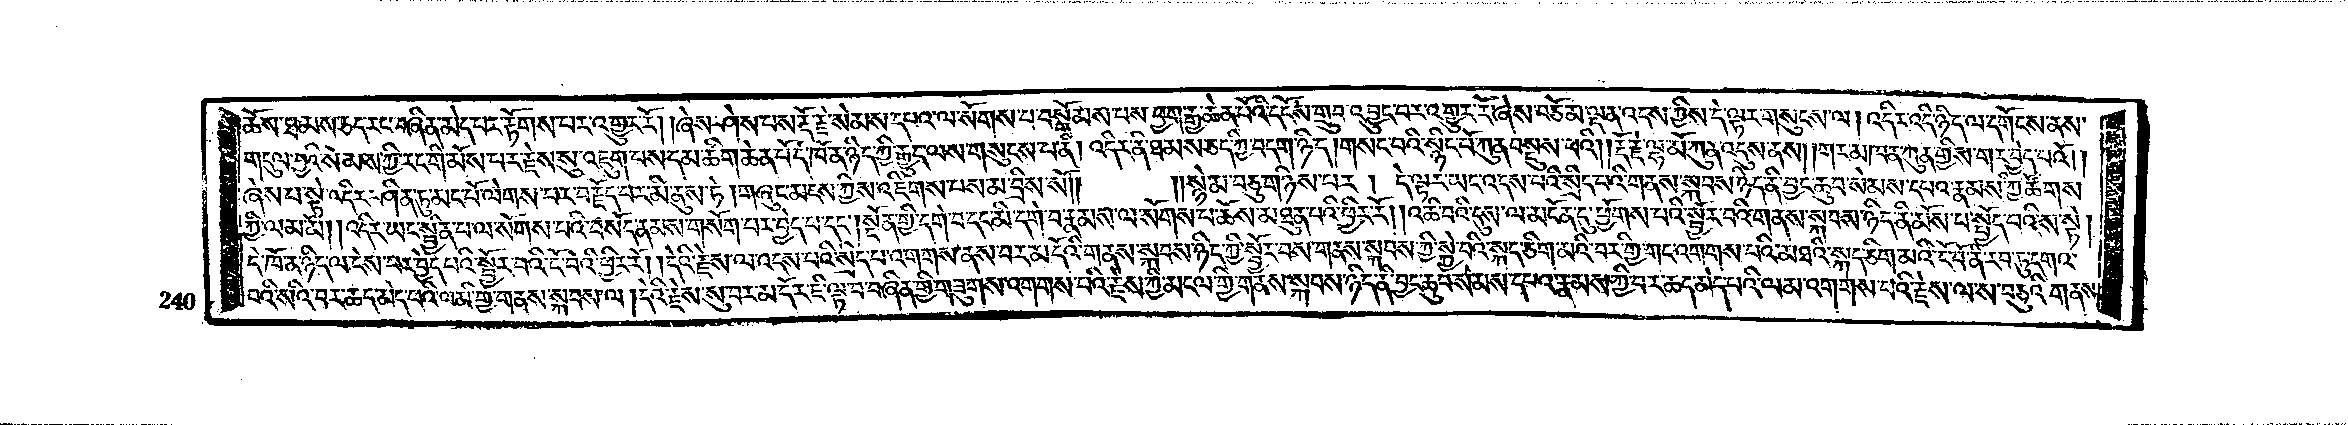ཆོས་ཐམས་ཅད་རང་བཞིན་མེད་པར་རྟོགས་པར་འགྱུར་རོ། །ཞེས་ཤེས་པས་རྡོ་རྗེ་སེམས་དཔའ་ལ་སོགས་པ་བསྒོམས་པས་ཕྱག་རྒྱ་ཆེན་པོའི་དངོས་གྲུབ་འབྱུང་བར་འགྱུར་རོ་ཞེས་བཅོམ་ལྡན་འདས་ཀྱིས་དེ་ལྟར་གསུངས་ལ། འདིར་འདི་ཉིད་ལ་དགོངས་ནས་
གདུལ་བྱའི་སེམས་ཀྱི་རང་གི་མོས་པར་རྗེས་སུ་འཇུག་པས་དམ་ཚིག་ཆེན་པོ་དེ་ཁོ་ན་ཉིད་ཀྱི་རྒྱུད་ལས་གསུངས་པ་ནི། འདིར་ནི་ཐམས་ཅད་ཀྱི་བདག་ཉིད། གསང་བའི་སྙིང་པོ་ཀུན་བསྡུས་པའི། །རྡོ་རྗེ་ལྷ་མོ་ཀུན་འདུས་ནས། །གར་མཁན་ཀུན་གྱིས་གར་བྱེད་པའོ། །
ཞེས་པ་སྟེ་འདིར་ཤིན་ཏུ་མང་པོ་ལེགས་པར་བརྗོད་པར་མི་ནུས་ཏེ། གཞུང་མངས་ཀྱིས་འཇིགས་པས་མ་བྲིས་སོ།། །།སྙེ་མ་བཅུ་གཉིས་པར། དེ་ལྟར་ཡང་འདས་པའི་སྲིད་པའི་གནས་སྐབས་ཉིད་ནི་བྱང་ཆུབ་སེམས་དཔའ་རྣམས་ཀྱི་ཚོགས་
ཀྱི་ལམ་མོ། །འདིར་ཡང་སྦྱིན་པ་ལ་སོགས་པའི་བསོད་ནམས་གསོག་པར་བྱེད་པ་དང་། སྔོན་གྱི་དགེ་བ་དང་མི་དགེ་བ་རྣམས་ལ་སོགས་པ་ཆོས་མཐུན་པའི་ཕྱིར་རོ། །འཆི་བའི་དུས་ལ་མངོན་དུ་ཕྱོགས་པའི་སྦྱོར་བའི་གནས་སྐབས་ཉིད་ནི་མོས་པ་སྤྱོད་པའི་ས་སྟེ།
དེ་ཁོ་ན་ཉིད་ལ་ངེས་པར་བྱེད་པའི་སྦྱོར་བའི་ངོ་བོའི་ཕྱིར་རོ། །དེའི་རྗེས་ལ་འདས་པའི་སྲིད་པ་འགགས་ནས་བར་མདོའི་གནས་སྐབས་ཉིད་ཀྱི་སྦྱོར་བས་གནས་སྐབས་ཀྱི་སྐྱེ་བའི་སྐད་ཅིག་མའི་བར་གྱི་གང་འགགས་པའི་མཐའི་སྐད་ཅིག་མའི་ངོ་བོ་ནི་རབ་ཏུ་དགའ་
བའི་སའི་བར་ཆད་མེད་པའི་ལམ་གྱི་གནས་སྐབས་ལ། དེའི་རྗེས་སུ་བར་མ་དོར་ཇི་ལྟ་བ་བཞིན་གྱི་གཟུགས་འགགས་པའི་རྗེས་ཀྱི་མངལ་གྱི་གནས་སྐབས་ཉིད་ནི་བྱང་ཆུབ་སེམས་དཔའ་རྣམས་ཀྱི་བར་ཆད་མེད་པའི་ལམ་འགགས་པའི་རྗེས་ལ་ས་བཅུའི་གནས་